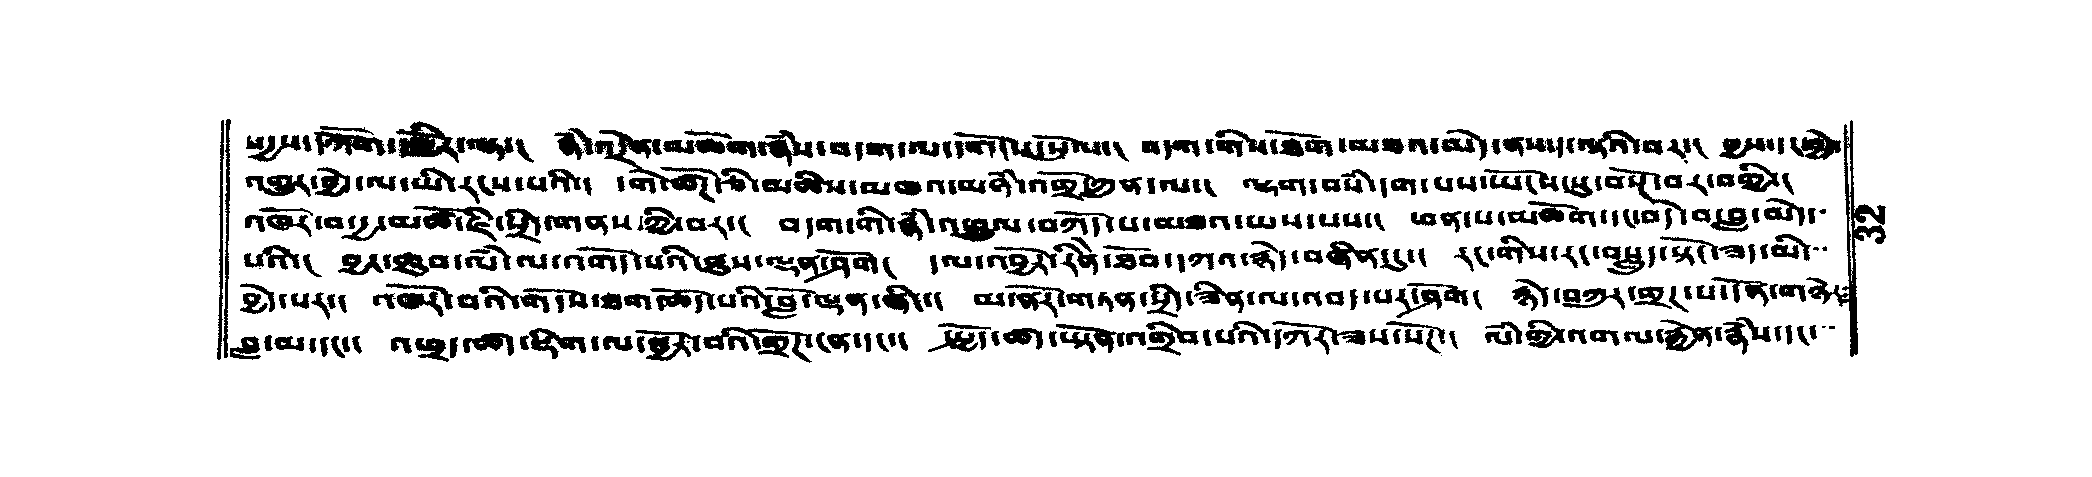སངས་རྒྱས་དཀོན་མཆོག་དཀྱིལ་འཁོར་ལྷ། །རྣམ་འདྲེན་མཆོག་རྣམས་བདག་ལ་དགོངས་སུ་གསོལ། །བདག་གིས་ཐོག་མཐའ་མེད་ནས་ད་ལྟའི་བར། །བྱས་དང་བྱེད་
འགྱུར་བྱེད་ལ་ཡི་རངས་པའི། །དགེ་ཚོགས་ཅི་མཆིས་མཁའ་མཉམ་འགྲོ་ཀུན་ལ། །ལྷག་བསམ་དག་པས་ཡོངས་སུ་བསྔོ་བར་གྱི། །
འཁོར་བ་རྒྱ་མཚོ་ཇི་སྲིད་གནས་ཀྱི་བར། །བདག་གི་རྣམ་འཕྲུལ་བཀོད་པ་མཐའ་ཡས་པས། །ཕན་པ་མཆོག་དང་བདེ་བ་བླ་མེད་
པའི། །བྱང་ཆུབ་ལམ་ལ་འགོད་པའི་ནུས་ལྡན་ཤོག །དལ་འབྱོར་རིན་ཆེན་ཐོབ་དཀའ་རྙེད་བཞིན་དུ། །རང་གིས་རང་བསླུ་སྟོང་ཟད་མི་
བྱེད་པར། །འཁོར་བའི་གདོས་ཐག་ཆོད་པའི་བློ་ལྡན་ཞིང་། །མ་ནོར་གཏན་སྲིད་ཟིན་ལ་འབད་པར་ཤོག །རྙེད་བཀུར་གྲགས་པ་དོན་གཉེར་
བླ་མ་དང་། །འཕྲད་ཚད་སྡིག་ལ་སྦྱོར་བའི་གྲོགས་ངན་དང་། །སྤྱོད་ཚད་ཡོན་ཏན་འགྲིབ་པའི་དཀོར་ཟས་སོགས། །ལམ་གྱི་འགལ་རྐྱེན་རྣམས་དང་